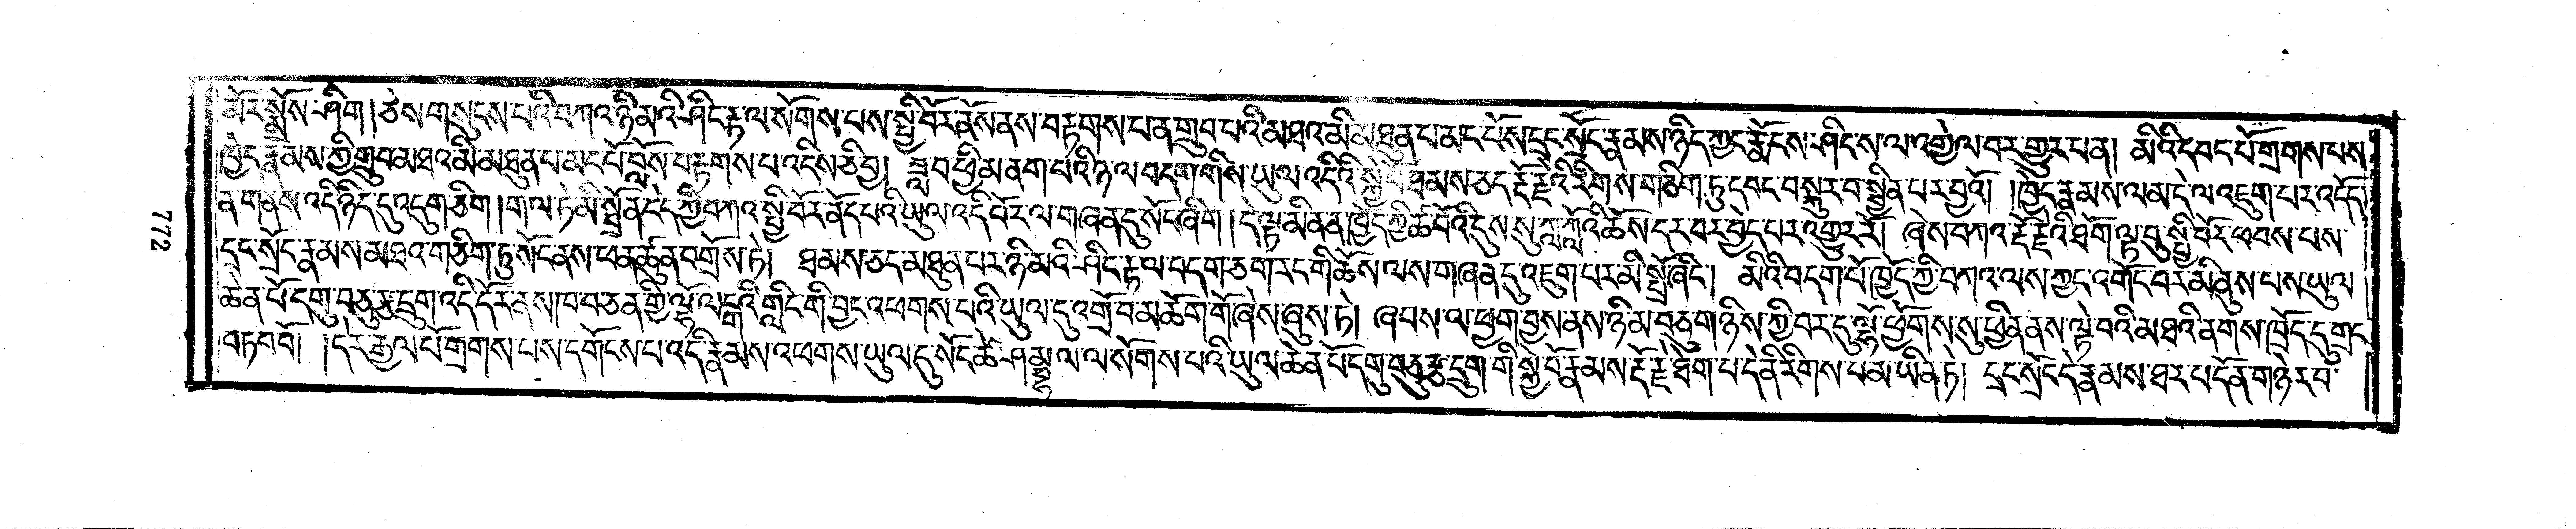མོར་སྨྲོས་ཤིག། ཅེས་གསུངས་པའི་བཀའ་ཉི་མའི་ཤིང་རྟ་ལ་སོགས་པས་སྤྱི་བོར་ནོས་ནས་བརྟགས་པ་ན་གྲུབ་པའི་མཐའ་མི་མཐུན་པ་མང་པོས་དྲང་སྲོང་རྣམས་ཉིད་ཀྱང་རྨོངས་ཤིང་ས་ལ་འགྱེལ་བར་གྱུར་པ་ན། མིའི་དབང་པོ་གྲགས་པས་
ཁྱེད་རྣམས་ཀྱི་གྲུབ་མཐའ་མི་མཐུན་པ་མང་པོ་བློས་བརྟགས་པ་འདིས་ཅི་བྱ། ཟླབ་ཕྱི་མ་ནག་པའི་ཉ་ལ་བདག་གིས་ཡུལ་འདིའི་སྐྱེ་བོ་ཐམས་ཅད་རྡོ་རྗེའི་རིགས་གཅིག་ཏུ་དབང་བསྐུར་བ་སྦྱིན་པར་བྱའོ། །ཁྱེད་རྣམས་ལམ་དེ་ལ་འཇུག་པར་འདོད་
ན་གནས་འདི་ཉིད་དུ་འདུག་ཅིག །གལ་ཏེ་མི་སྦྲོན་ངེད་ཀྱི་བཀའ་སྤྱི་བོར་ནོད་པའི་ཡུལ་འདི་བོར་ལ་གཞན་དུ་སོང་ཞིག། དེ་ལྟ་མིན་ན་ཁྱོད་ཀྱི་ཚ་བོའི་དུས་སུ་ཀླ་ཀློའི་ཆོས་དར་བར་བྱེད་པར་འགྱུར་རོ། ཞེས་བཀའ་རྡོ་རྗེའི་ཐོག་ལྟ་བུ་སྤྱི་བོར་ཕབས་པས་
དྲང་སྲོང་རྣམས་མཐའ་གཅིག་ཏུ་སོང་ནས་ཕན་ཚུན་བགྲོས་ཏེ། ཐམས་ཅད་མཐུན་པར་ཉི་མའི་ཤིང་རྟ་ལ་བདག་ཅག་རང་གི་ཆོས་ལས་གཞན་དུ་འཇུག་པར་མི་སྤྲོ་ཞིང་། མིའི་བདག་པོ་ཁྱོད་ཀྱི་བཀའ་ལས་ཀྱང་འགོང་བར་མི་ནུས་པས་ཡུལ་
ཆེན་པོ་དགུ་བཅུ་རྩ་དྲུག་འདི་དོར་ནས་ཁ་བ་ཅན་གྱི་ལྷོ་ལངྒའི་གླིང་གི་བྱང་འཕགས་པའི་ཡུལ་དུ་འགྲོ་བ་མཆོག་གོ་ཞེས་ཞུས་ཏེ། ཞབས་ལ་ཕྱག་བྱས་ནས་ཉི་མ་བཅུ་གཉིས་ཀྱི་བར་དུ་ལྷོ་ཕྱོགས་སུ་ཕྱིན་ནས་ལྟེ་བའི་མཐའི་ནགས་ཁྲོད་དུ་གྲང་
བཏབ་བོ། །དེར་རྒྱལ་པོ་གྲགས་པས་དགོངས་པ་འདི་རྣམས་འཕགས་ཡུལ་དུ་སོང་ཚེ་ཤམྦྷལ་ལ་སོགས་པའི་ཡུལ་ཆེན་པོ་དགུ་བཅུ་རྩ་དྲུག་གི་སྐྱེ་བོ་རྣམས་རྡོ་རྗེ་ཐེག་པ་དེ་ནི་རིགས་པ་མ་ཡིན་ཏེ། དྲང་སྲོང་དེ་རྣམས་ཐར་པ་དོན་གཉེར་བ་